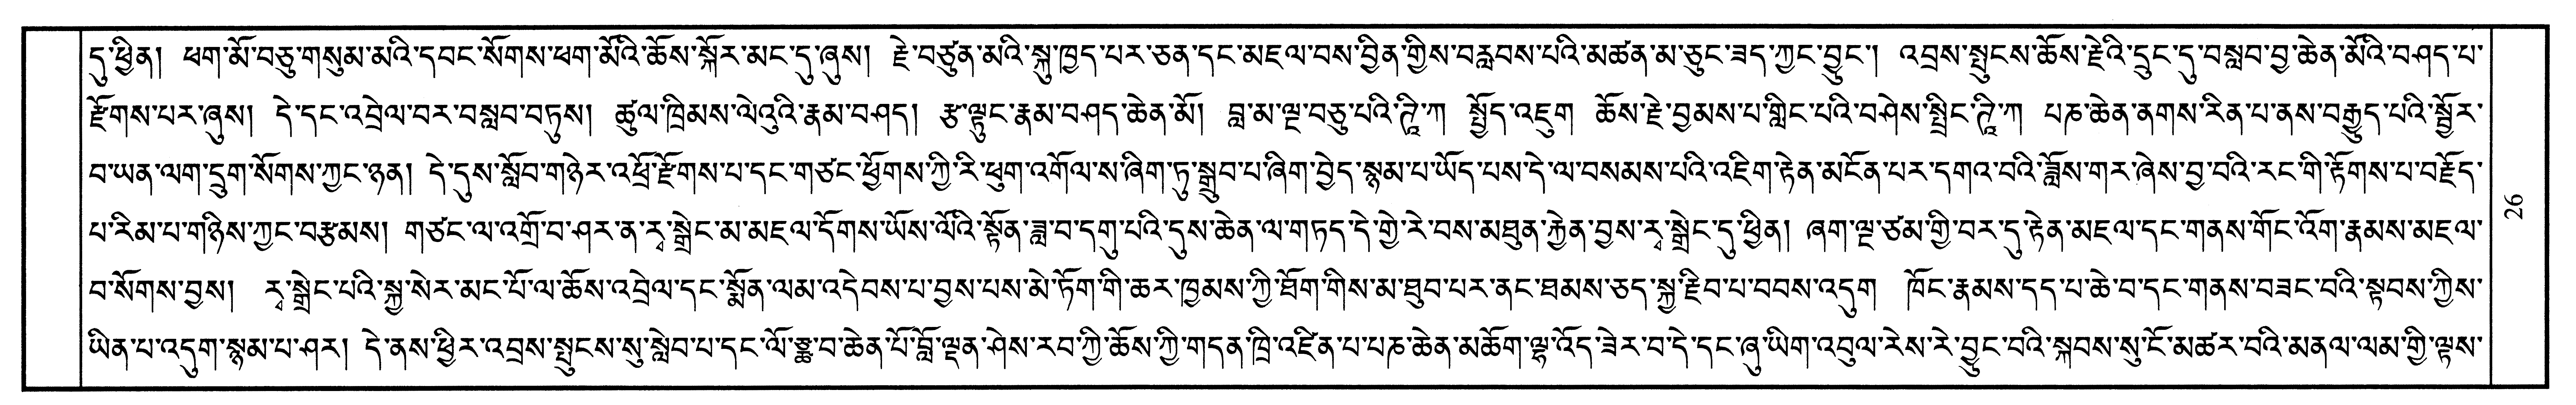དུ་ཕྱིན། ཕག་མོ་བཅུ་གསུམ་མའི་དབང་སོགས་ཕག་མོའི་ཆོས་སྐོར་མང་དུ་ཞུས། རྗེ་བཙུན་མའི་སྐུ་ཁྱད་པར་ཅན་དང་མཇལ་བས་བྱིན་གྱིས་བརླབས་པའི་མཚན་མ་ཅུང་ཟད་ཀྱང་བྱུང་། འབྲས་སྤུངས་ཆོས་རྗེའི་དྲུང་དུ་བསླབ་བྱ་ཆེན་མོའི་བཤད་པ་
རྫོགས་པར་ཞུས། དེ་དང་འབྲེལ་བར་བསླབ་བཏུས། ཚུལ་ཁྲིམས་ལེའུའི་རྣམ་བཤད། རྩ་ལྟུང་རྣམ་བཤད་ཆེན་མོ། བླ་མ་ལྔ་བཅུའི་པའི་ཊཱི་ཀ། སྤྱོད་འཇུག། ཆོས་རྗེ་བྱམས་པ་གླིང་པའི་བཤེས་སྤྲིང་ཊཱི་ཀ། པཎ་ཆེན་ནགས་རིན་པ་ནས་བརྒྱུད་པའི་སྦྱོར་
བ་ཡན་ལག་དྲུག་སོགས་ཀྱང་ཉན། དེ་དུས་སློབ་གཉེར་འཕྲོ་རྫོགས་པ་དང་གཙང་ཕྱོགས་ཀྱི་རི་ཕུག་འགོལ་ས་ཞིག་ཏུ་སྒྲུབ་པ་ཞིག་བྱེད་སྙམ་པ་ཡོད་པས་དེ་ལ་བསམས་པའི་འཇིག་རྟེན་མངོན་པར་དགའ་བའི་ཟློས་གར་ཞེས་བྱ་བའི་རང་གི་རྟོགས་པ་བརྗོད་
པ་རིམ་པ་གཉིས་ཀྱང་བརྩམས། གཙང་ལ་འགྲོ་བ་ཤར་ན་རྭ་སྒྲེང་མ་མཇལ་དོགས་ཡོས་ལོའི་སྟོན་ཟླ་བ་དགུ་པའི་དུས་ཆེན་ལ་གཏད་དེ་གྱེ་རེ་བས་མཐུན་རྐྱེན་བྱས་རྭ་སྒྲེང་དུ་ཕྱིན། ཞག་ལྔ་ཙམ་གྱི་བར་དུ་རྟེན་མཇལ་དང་གནས་གོང་འོག་རྣམས་མཇལ་
བ་སོགས་བྱས། རྭ་སྒྲེང་པའི་སྐྱ་སེར་མང་པོ་ལ་ཆོས་འབྲེལ་དང་སྨོན་ལམ་འདེབས་པ་བྱས་པས་མེ་ཏོག་གི་ཆར་ཁྱམས་ཀྱི་ཐོག་གིས་མ་ཐུབ་པར་ནང་ཐམས་ཅད་སྐྱ་རྗིབ་པ་བབས་འདུག །ཁོང་རྣམས་དད་པ་ཆེ་བ་དང་གནས་བཟང་བའི་སྟབས་ཀྱིས་
ཡིན་པ་འདུག་སྙམ་པ་ཤར། དེ་ནས་ཕྱིར་འབྲས་སྤུངས་སུ་སླེབ་པ་དང་ལོ་ཙྪ་བ་ཆེན་པོ་བློ་ལྡན་ཤེས་རབ་ཀྱི་ཆོས་ཀྱི་གདན་ཁྲི་འཛིན་པ་པཎ་ཆེན་མཆོག་ལྷ་འོད་ཟེར་བ་དེ་དང་ཞུ་ཡིག་འབུལ་རེས་རེ་བྱུང་བའི་སྐབས་སུ་ངོ་མཚར་བའི་མནལ་ལམ་གྱི་ལྟས་